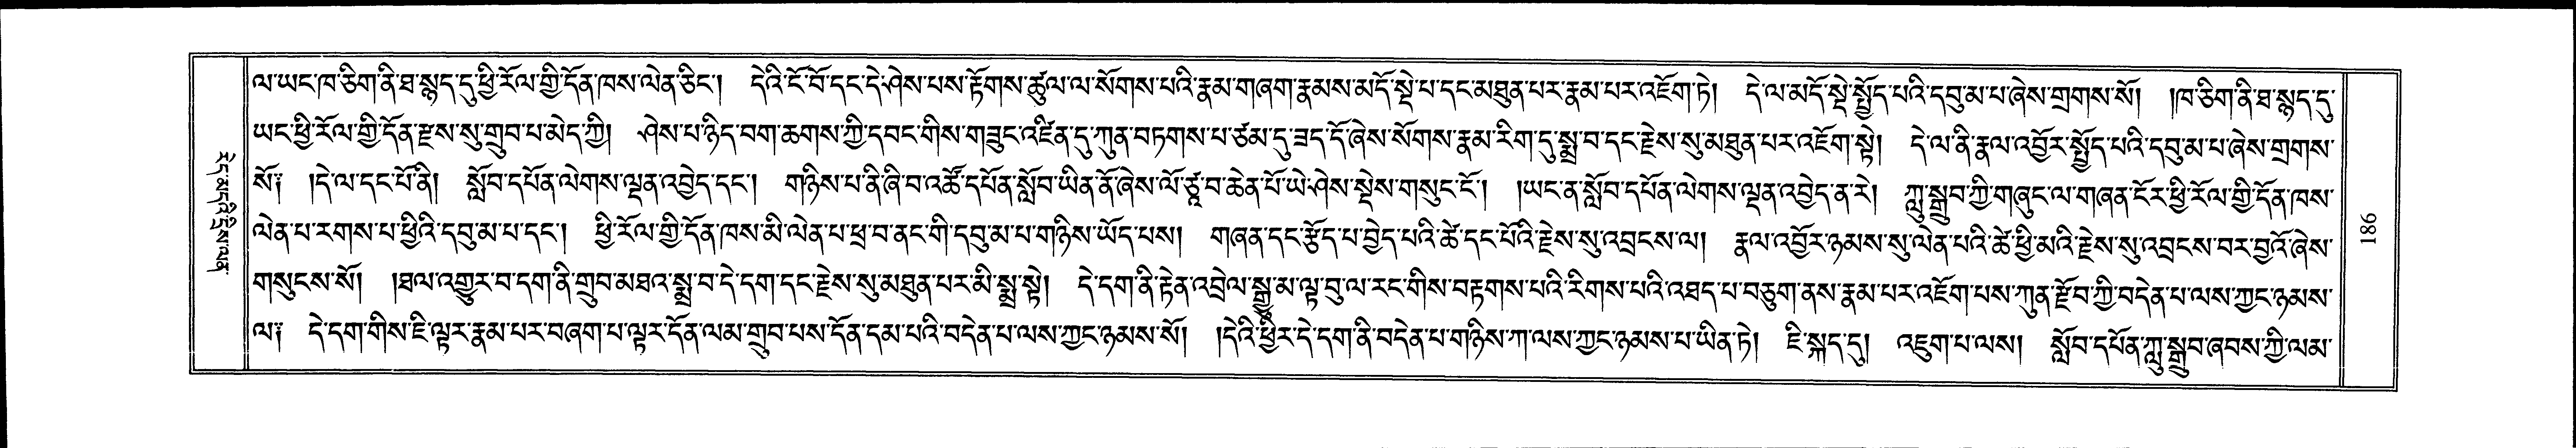ལ་ཡང་ཁ་ཅིག་ནི་ཐ་སྙད་དུ་ཕྱི་རོལ་གྱི་དོན་ཁས་ལེན་ཅིང་། དེའི་ངོ་བོ་དང་དེ་ཤེས་པས་རྟོགས་ཚུལ་ལ་སོགས་པའི་རྣམ་གཞག་རྣམས་མདོ་སྡེ་པ་དང་མཐུན་པར་རྣམ་པར་འཇོག་ཏེ། དེ་ལ་མདོ་སྡེ་སྤྱོད་པའི་དབུ་མ་པ་ཞེས་གྲགས་སོ། །ཁ་ཅིག་ནི་ཐ་སྙད་དུ་
ཡང་ཕྱི་རོལ་གྱི་དོན་རྫས་སུ་གྲུབ་པ་མེད་ཀྱི། ཤེས་པ་ཉིད་བག་ཆགས་ཀྱི་དབང་གིས་གཟུང་འཛིན་དུ་ཀུན་བཏགས་པ་ཙམ་དུ་ཟད་དོ་ཞེས་སོགས་རྣམ་རིག་དུ་སྨྲ་བ་དང་རྗེས་སུ་མཐུན་པར་འཇོག་སྟེ། དེ་ལ་ནི་རྣལ་འབྱོར་སྤྱོད་པའི་དབུ་མ་པ་ཞེས་གྲགས་
སོ། །དེ་ལ་དང་པོ་ནི། སློབ་དཔོན་ལེགས་ལྡན་འབྱེད་དང་། གཉིས་པ་ནི་ཞི་བ་འཚོ་དཔོན་སློབ་ཡིན་ནོ་ཞེས་ལོ་ཙཱ་བ་ཆེན་པོ་ཡེ་ཤེས་སྡེས་གསུང་ངོ། །ཡང་ན་སློབ་དཔོན་ལེགས་ལྡན་འབྱེད་ན་རེ། ཀླུ་སྒྲུབ་ཀྱི་གཞུང་ལ་གཞན་ངོར་ཕྱི་རོལ་གྱི་དོན་ཁས་
ལེན་པ་རགས་པ་ཕྱིའི་དབུ་མ་པ་དང་། ཕྱི་རོལ་གྱི་དོན་ཁས་མི་ལེན་པ་ཕྲ་བ་ནང་གི་དབུ་མ་པ་གཉིས་ཡོད་པས། གཞན་དང་རྩོད་པ་བྱེད་པའི་ཚེ་དང་པོའི་རྗེས་སུ་འབྲངས་ལ། རྣལ་འབྱོར་ཉམས་སུ་ལེན་པའི་ཚེ་ཕྱི་མའི་རྗེས་སུ་འབྲངས་བར་བྱའོ་ཞེས་
གསུངས་སོ། །ཐལ་འགྱུར་བ་དག་ནི་གྲུབ་མཐའ་སྨྲ་བ་དེ་དག་དང་རྗེས་སུ་མཐུན་པར་མི་སྨྲ་སྟེ། དེ་དག་ནི་རྟེན་འབྲེལ་སྒྱུ་མ་ལྟ་བུ་ལ་རང་གིས་བརྟགས་པའི་རིགས་པའི་འཐད་པ་བཅུག་ནས་རྣམ་པར་འཇོག་པས་ཀུན་རྫོབ་ཀྱི་བདེན་པ་ལས་ཀྱང་ཉམས་
ལ། དེ་དག་གིས་ཇི་ལྟར་རྣམ་པར་བཞག་པ་ལྟར་དོན་ལམ་གྲུབ་པས་དོན་དམ་པའི་བདེན་པ་ལས་ཀྱང་ཉམས་སོ། །དེའི་ཕྱིར་དེ་དག་ནི་བདེན་པ་གཉིས་ཀ་ལས་ཀྱང་ཉམས་པ་ཡིན་ཏེ། ཇི་སྐད་དུ། འཇུག་པ་ལས། སློབ་དཔོན་ཀླུ་སྒྲུབ་ཞབས་ཀྱི་ལམ་